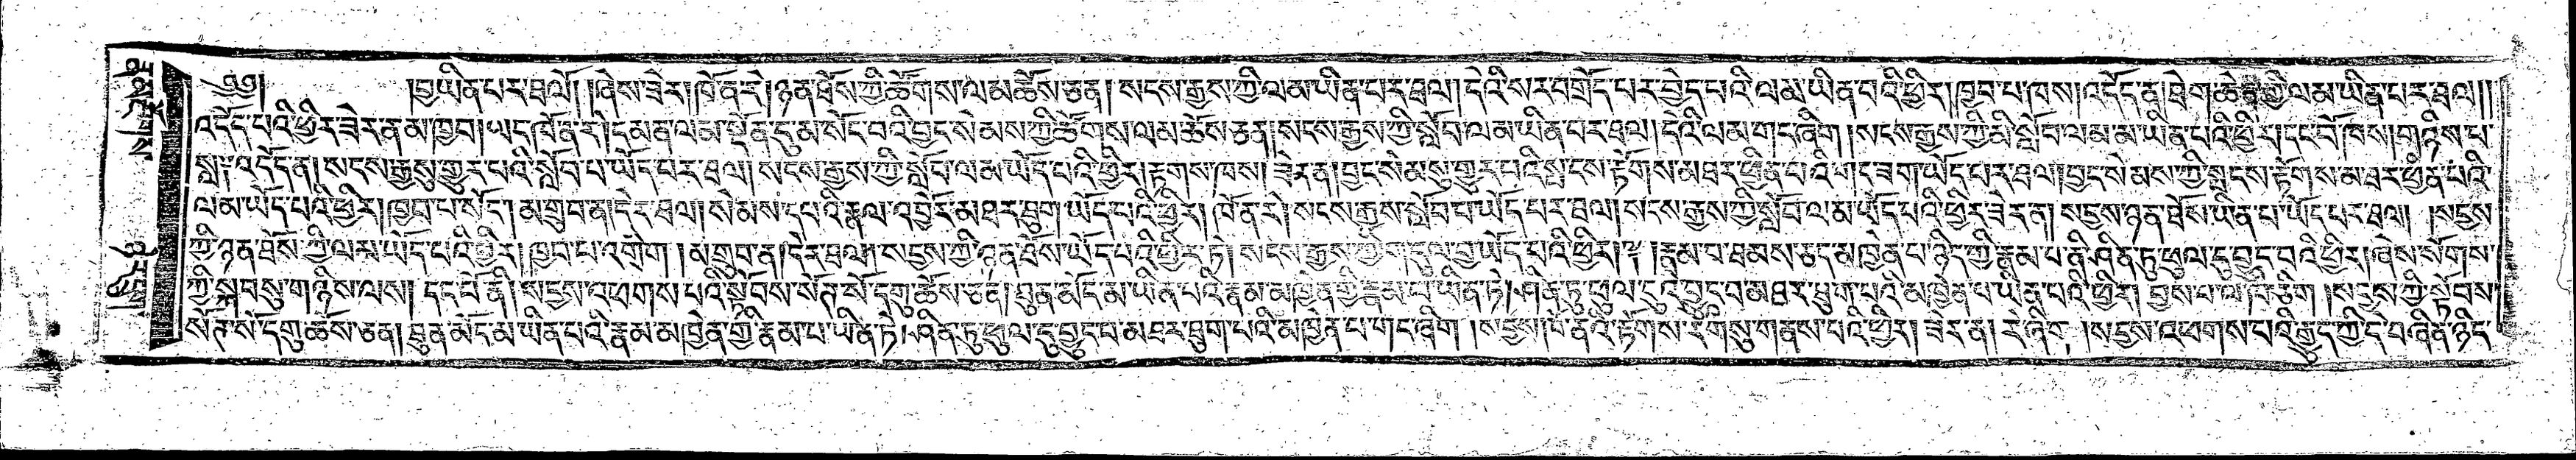༄༅། །བྱ་ཡིན་པར་ཐལ་ལོ། །ཞེས་ཟེར། ཁོ་ན་རེ། ཉན་ཐོས་ཀྱི་ཚོགས་ལམ་ཆོས་ཅན། སངས་རྒྱས་ཀྱི་ལམ་ཡིན་པར་ཐལ། དེའི་སར་བགྲོད་པར་བྱེད་པའི་ལམ་ཡིན་པའི་ཕྱིར། ཁྱབ་པ་ཁས། འདོད་ན། ཐེག་ཆེན་གྱི་ལམ་ཡིན་པར་ཐལ།།
འདོད་པའི་ཕྱིར་ཟེར་ན་མ་ཁྱབ། ཡང་ཁོ་ན་རེ། དམན་ལམ་སྔོན་དུ་མ་སོང་བའི་བྱང་སེམས་ཀྱི་ཚོགས་ལམ་ཆོས་ཅན། སངས་རྒྱས་ཀྱི་སློབ་ལམ་ཡིན་པར་ཐལ། དེའི་ལམ་གང་ཞིག །སངས་རྒྱས་ཀྱི་མི་སློབ་ལམ་མ་ཡིན་པའི་ཕྱིར། དང་པོ་ཁས། གཉིས་པ་
སླ༑ འདོད་ན། སངས་རྒྱས་སུ་གྱུར་པའི་སློབ་པ་ཡོད་པར་ཐལ། སངས་རྒྱས་ཀྱི་སློབ་ལམ་ཡོད་པའི་ཕྱིར། རྟགས་ཁས། ཟེར་ན། བྱང་སེམས་སུ་གྱུར་པའི་སྤངས་རྟོགས་མཐར་ཕྱིན་པའི་གང་ཟག་ཡོད་པར་ཐལ། བྱང་སེམས་ཀྱི་སྤངས་རྟོགས་མཐར་ཕྱིན་པའི་
ལམ་ཡོད་པའི་ཕྱིར། ཁྱབ་པ་སོང་། མ་གྲུབ་ན། དེར་ཐལ། སེམས་དཔའི་རྣལ་འབྱོར་མཐར་ཐུག་ཡོད་པའི་ཕྱིར། ཁོ་ན་རེ། སངས་རྒྱས་སློབ་པ་ཡོད་པར་ཐལ། སངས་རྒྱས་ཀྱི་སློབ་ལམ་ཡོད་པའི་ཕྱིར་ཟེར་ན། སངས་རྒྱས་ཉན་ཐོས་ཡིན་པ་ཡོད་པར་ཐལ། །སངས་རྒྱས་
ཀྱི་ཉན་ཐོས་ཀྱི་ལམ་ཡོད་པའི་ཕྱིར། ཁྱབ་པ་འགྲིག །མ་གྲུབ་ན། དེར་ཐལ། སངས་རྒྱས་ཀྱི་ཉན་ཐོས་ཡོད་པའི་ཕྱིར་ཏེ། སངས་རྒྱས་ཀྱི་གདུལ་བྱ་ཡོད་པའི་ཕྱིར། ༈ །རྣམ་པ་ཐམས་ཅད་མཁྱེན་པ་ཉིད་ཀྱི་རྣམ་པ་ནི་ཤིན་ཏུ་ཕུལ་དུ་བྱུང་བའི་ཕྱིར། ཞེས་སོགས་
ཀྱི་སྐབས་སུ་གཉིས་ལས། དང་པོ་ནི། སངས་རྒྱས་འཕགས་པའི་སྟོབས་སོགས་སོ་དགུ་ཆོས་ཅན། ཐུན་མོང་མ་ཡིན་པའི་རྣམ་མཁྱེན་གྱི་རྣམ་པ་ཡིན་ཏེ། ཤིན་ཏུ་ཕུལ་དུ་བྱུང་བ་མཐར་ཐུག་པའི་མཁྱེན་པ་ཡིན་པའི་ཕྱིར། བྱས་པ་ལ་ཁ་ཅིག །སངས་རྒྱས་ཀྱི་སྟོབས་
སོགས་སོ་དགུ་ཆོས་ཅན། ཐུན་མོང་མ་ཡིན་པའི་རྣམ་མཁྱེན་གྱི་རྣམ་པ་ཡིན་ཏེ། ཤིན་ཏུ་ཕུལ་དུ་བྱུང་བ་མཐར་ཐུག་པའི་མཁྱེན་པ་གང་ཞིག །སངས་རྒྱས་ཁོ་ནའི་རྟོགས་རིགས་སུ་གནས་པའི་ཕྱིར། ཟེར་ན། རེ་ཞིག །སངས་རྒྱས་འཕགས་པའི་རྒྱུད་ཀྱི་དེ་བཞིན་ཉིད་